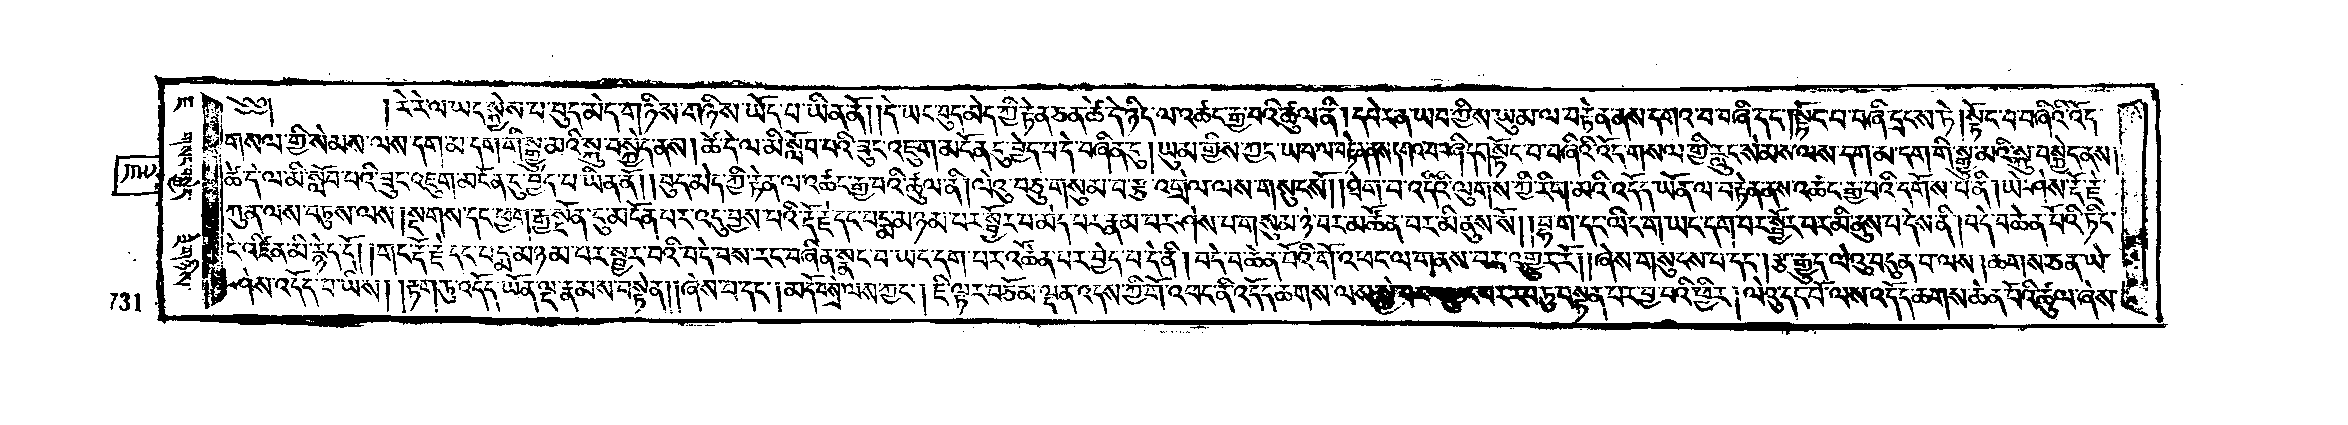༄༅། །རེ་རེ་ལ་ཡང་སྐྱེས་པ་བུད་མེད་གཉིས་གཉིས་ཡོད་པ་ཡིན་ནོ། །དེ་ཡང་བུད་མེད་ཀྱི་རྟེན་ཅན་ཚེ་དེ་ཉིད་ལ་འཚང་རྒྱ་བའི་ཚུལ་ནི། དཔེར་ན་ཡབ་ཀྱིས་ཡུམ་ལ་བརྟེན་ནས་དགའ་བ་བཞི་དང་། སྟོང་པ་བཞི་དྲངས་ཏེ། སྟོང་པ་བཞིའི་འོད་
གསལ་གྱི་སེམས་ལས་དག་མ་དག་གི་སྒྱུ་མའི་སྐུ་བསྐྱེད་ནས། ཚེ་དེ་ལ་མི་སློབ་པའི་ཟུང་འཇུག་མངོན་དུ་བྱེད་པ་དེ་བཞིན་དུ། ཡུམ་གྱིས་ཀྱང་ཡབ་ལ་བརྟེན་ནས་དགའ་བ་བཞི་དང་། སྟོང་པ་བཞིའི་འོད་གསལ་གྱི་རླུང་སེམས་ལས་དག་མ་དག་གི་སྒྱུ་མའི་སྐུ་བསྐྱེད་ནས།
ཚེ་དེ་ལ་མི་སློབ་པའི་ཟུང་འཇུག་མངོན་དུ་བྱེད་པ་ཡིན་ནོ། །བུད་མེད་ཀྱི་རྟེན་ལ་འཚང་རྒྱ་བའི་ཚུལ་ནི། ལུའི་བཅུ་གསུམ་པ་རྩ་འགྲེལ་ལས་གསུངས་སོ། །ཐེག་པ་འདིའི་ལུགས་ཀྱི་རིག་མའི་འདོད་ཡོན་ལ་བརྟེན་ནས་འཚང་རྒྱ་བའི་དགོས་པ་ནི། ཡེ་ཤེས་རྡོ་རྗེ་
ཀུན་ལས་བཏུས་ལས། སྔགས་དང་ཕྱག་རྒྱ་སྔོན་དུ་མངོན་པར་འདུ་བྱས་པའི་རྡོ་རྗེ་དང་པདམ་མཉམ་པར་སྦྱོར་བ་མེད་པར་རྣམ་པར་ཤེས་པ་གསུམ་ཉེ་བར་མཚོན་པར་མི་ནུས་སོ། །བྷ་ག་དང་ལིང་ག་ཡང་དག་པར་སྦྱོར་བར་མི་ནུས་པ་དེས་ནི། བདེ་བ་ཆེན་པོའི་ཏིང་
ངེ་འཛིན་མི་རྙེད་དོ། །གང་རྡོ་རྗེ་དང་པདམ་མཉམ་པར་སྦྱར་བའི་བདེ་བས་རང་བཞིན་སྣང་བ་ཡང་དག་པར་འཚོན་པར་བྱེད་པ་དེ་ནི། བདེ་བ་ཆེན་པོའི་གོ་འཕང་ལ་གནས་བར་འགྱུར་རོ། །ཞེས་གསུངས་པ་དང་། རྩ་རྒྱུད་ལེའུ་བདུན་པ་ལས། ཆགས་ཅན་ཡེ་
ཤེས་འདོད་པ་ཡིས། །རྟག་ཏུ་འདོད་ཡོན་ལྔ་རྣམས་བསྟེན། །ཞེས་པ་དང་། མདོ་བསྲེ་ལས་ཀྱང་། ཇི་ལྟར་བཅོམ་ལྡན་འདས་ཀྱི་གོ་འཕང་ནི་འདོད་ཆགས་ལས་སྐྱེ་བར་འགྱུར་བར་རབ་ཏུ་བསྟན་པར་བྱ་བའི་ཕྱིར། ལེའུ་དང་པོ་ལས་འདོད་ཆགས་ཆེན་པོའི་ཚུལ་ཞེས་